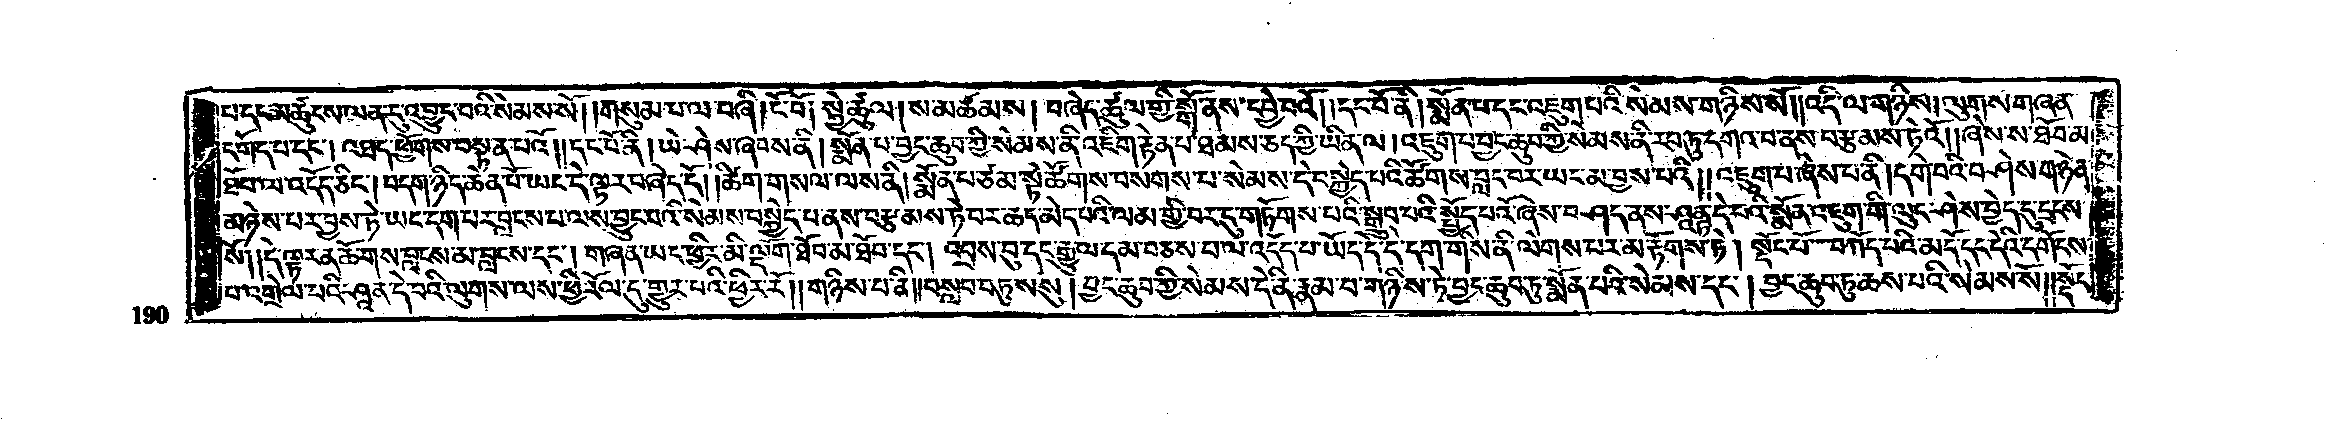པ་དང་མཚུངས་ལྡན་དུ་འབྱུང་བའི་སེམས་སོ། །གསུམ་པ་ལ་བཞི། ངོ་བོ། སྐྱེ་ཚུལ། ས་མཚམས། བཞེད་ཚུལ་གྱི་སྒོ་ནས་དབྱེ་བའོ། །དང་པོ་ནི། སྨོན་པ་དང་འཇུག་པའི་སེམས་གཉིས་སོ། །འདི་ལ་གཉིས། ལུགས་གཞན་
དགོད་པ་དང་། འཐད་ཕྱོགས་བསྟན་པའོ། །དང་པོ་ནི། ཡེ་ཤེས་ཞབས་ནི། སྨོན་པ་བྱང་ཆུབ་ཀྱི་སེམས་ནི་འཇིག་རྟེན་པ་ཐམས་ཅད་ཀྱི་ཡིན་ལ། འཇུག་པ་བྱང་ཆུབ་ཀྱི་སེམས་ནི་རབ་ཏུ་དགའ་བ་ནས་བརྩམས་ཏེའོ། །ཞེས་ས་ཐོབ་མ་
ཐོབ་ལ་འདོད་ཅིང་། བདག་ཉིད་ཆེན་པོ་ཡང་དེ་ལྟར་བཞེད་དོ། །ཚིག་གསལ་ལས་ནི། སྨོན་པ་ཙམ་སྟེ་ཚོགས་བསགས་པ་སེམས་དེ་བསྐྱེད་པའི་ཚོགས་བླང་བར་ཡང་མ་བྱས་པའོ། །འཇུག་པ་ཞེས་པ་ནི། དགེ་བའི་བཤེས་གཉེན་
མཉེས་པར་བྱས་ཏེ་ཡང་དག་པར་བླངས་པ་ལས་བྱུང་བའི་སེམས་བསྐྱེད་པ་ནས་བརྩམས་ཏེ་བར་ཆད་མེད་པའི་ལམ་གྱི་བར་དུ་གཏོགས་པའི་སྒྲུབ་པའི་སྤྱོད་པའོ་ཞེས་བཤད་ནས་ཤཱནྟ་དེ་པའི་སྨོན་འཇུག་གི་ལུང་ཤེས་བྱེད་དུ་དྲངས་
སོ། །དེ་ལྟར་ན་ཆོ་གས་བླངས་མ་བླངས་དང་། གཞན་ཡང་ཕྱིར་མི་ལྡོག་ཐོབ་མ་ཐོབ་དང་། འབྲས་བུ་དང་རྒྱུ་ལ་དམ་བཅས་པ་ལ་འདོད་པ་ཡོད་དེ་དེ་དག་གིས་ནི་ལེགས་པར་མ་རྟོགས་ཏེ། སྡོང་པོ་བཀོད་པའི་མདོ་དང་དེའི་དགོངས་
པ་འགྲེལ་པའི་ཤཱནྟ་དེ་བའི་ལུགས་ལས་ཕྱི་རོལ་དུ་གྱུར་པའི་ཕྱིར་རོ། །གཉིས་པ་ནི། །བསླབ་བཏུས་སུ། བྱང་ཆུབ་ཀྱི་སེམས་དེ་ནི་རྣམ་པ་གཉིས་ཏེ་བྱང་ཆུབ་ཏུ་སྨོན་པའི་སེམས་དང་། བྱང་ཆུབ་ཏུ་ཆེས་པའི་སེམས་སོ། །སྡོང་